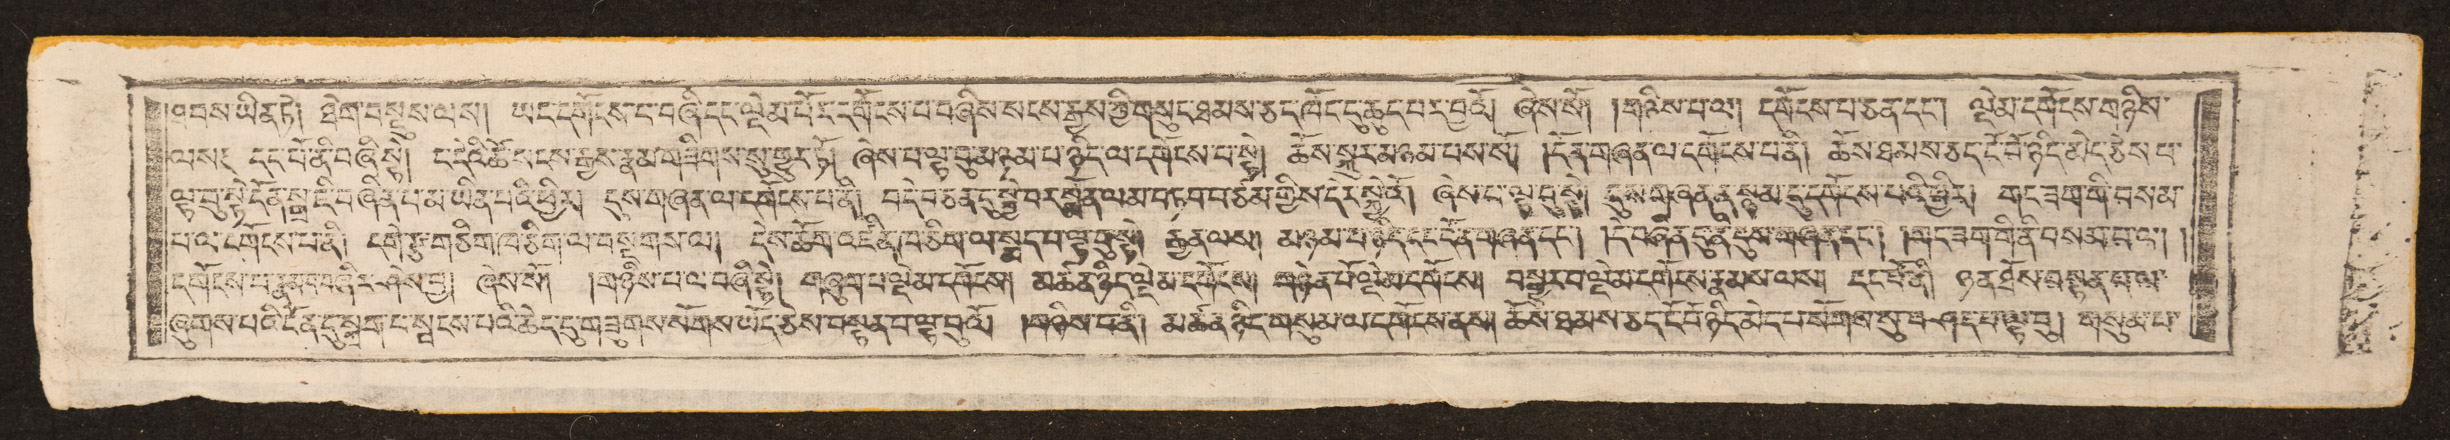ཐབས་ཡིན་ཏེ། ཐེག་བསྡུས་ལས། ཡང་དགོངས་པ་བཞི་དང་ལྡེམ་པོར་དགོངས་པ་བཞིས་སངས་རྒྱས་ཀྱི་གསུང་ཐམས་ཅད་ཁོང་དུ་ཆུད་པར་བྱའོ། ཞེས་སོ། །གཉིས་པ་ལ། དགོངས་པ་ཅན་དང་། ལྡེམ་དགོངས་གཉིས་
ལས༑ དང་པོ་ནི་བཞི་སྟེ། ང་དེའི་ཚེ་སངས་རྒྱས་རྣམ་གཟིགས་སུ་གྱུར་ཏོ། ཞེས་པ་ལྟ་བུ་མཉམ་པ་ཉིད་ལ་དགོངས་པ་སྟེ། ཆོས་སྐུར་མཉམ་པས་སོ། །དོན་གཞན་ལ་དགོངས་པ་ནི། ཆོས་ཐམས་ཅད་ངོ་བོ་ཉིད་མེད་ཅེས་པ་
ལྟ་བུ་སྟེ་དོན་སྒྲ་ཇི་བཞིན་པ་མ་ཡིན་པའི་ཕྱིར། དུས་གཞན་ལ་དགོངས་པ་ནི། བདེ་བ་ཅན་དུ་སྐྱེ་བར་སྨོན་ལམ་བཏབ་པ་ཙམ་གྱིས་དེར་སྐྱེའོ། ཞེས་པ་ལྟ་བུ་སྟེ། དུས་གཞན་ན་སྙམ་དུ་དགོངས་པའི་ཕྱིར། གང་ཟག་གི་བསམ་
པ་ལ་དགོངས་པ་ནི། དགེ་རྩ་གཅིག་ཁ་ཅིག་ལ་བསྔགས་ལ། དེས་ཆོག་འཛིན་ཁ་ཅིག་ལ་སྨད་པ་ལྟ་བུ་སྟེ། རྒྱན་ལས། མཉམ་པ་ཉིད་དང་དོན་གཞན་དང་། །དེ་བཞིན་དུ་ནི་དུས་གཞན་དང་། །གང་ཟག་གི་ནི་བསམ་པ་ལ། །
དགོངས་པ་རྣམ་པ་བཞིར་ཤེས་བྱ། ཞེས་སོ། །གཉིས་པ་ལ་བཞི་སྟེ། གཞུག་པ་ལྡེམ་དགོངས། མཚན་ཉིད་ལྡེམ་དགོངས། གཉེན་པོ་ལྡེམ་དགོངས། བསྒྱུར་བ་ལྡེམ་དགོངས་རྣམས་ལས། དང་པོ་ནི། ཉན་ཐོས་བསྟན་པ་ལ་
ཞུགས་པའི་དོན་དུ་སྐྲག་པ་སྤངས་པའི་ཆེད་དུ་གཟུགས་སོགས་ཡོད་ཅེས་བསྟན་པ་ལྟ་བུའོ། །གཉིས་པ་ནི། མཚན་ཉིད་གསུམ་ལ་དགོངས་ནས། ཆོས་ཐམས་ཅད་ངོ་བོ་ཉིད་མེད་པ་སོགས་སུ་བཤད་པ་ལྟ་བུ། གསུམ་པ་